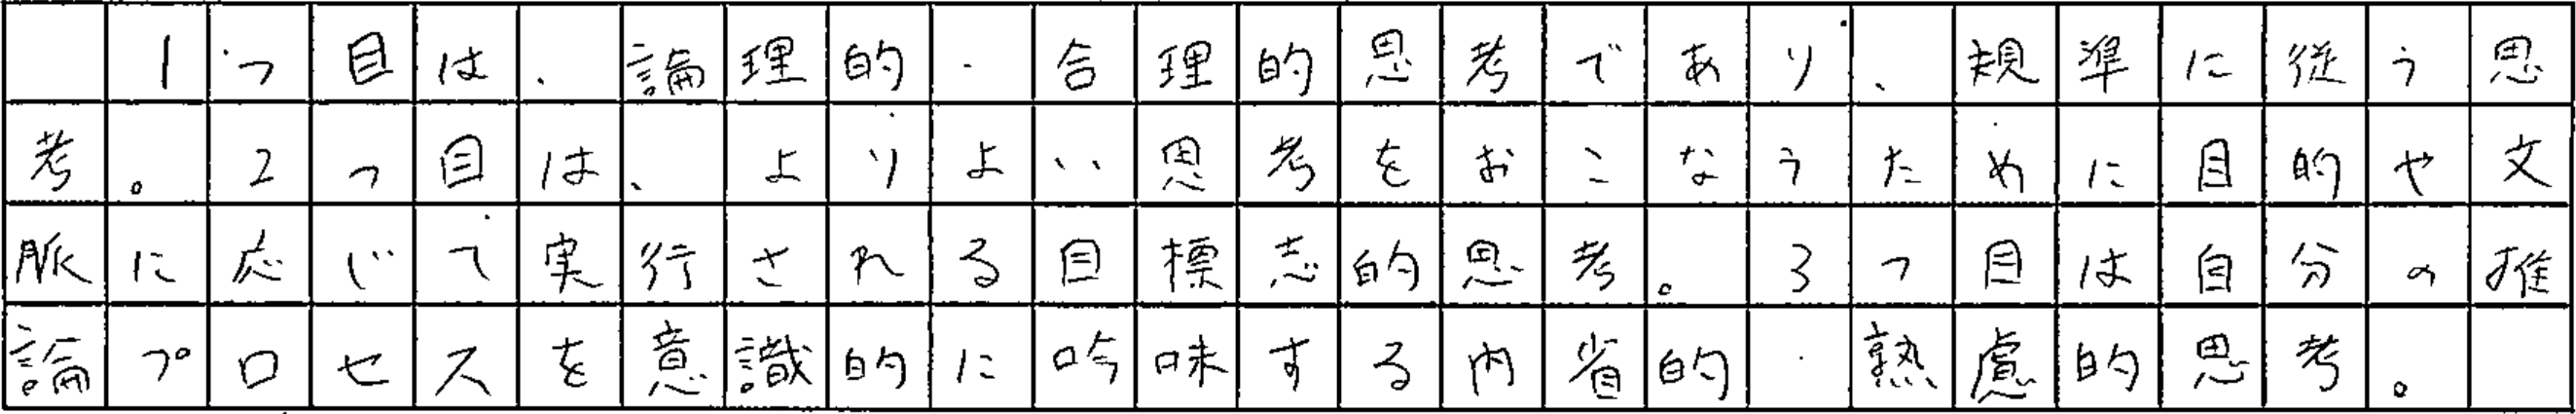　１つ目は、論理的・合理的思考であり、規準に従う思考。２つ目は、よりよい思考をおこなうために目的や文脈に応じて実行される目標志的思考。３つ目は自分の推論プロセスを意識的に吟味する内省的・熟慮的思考。
